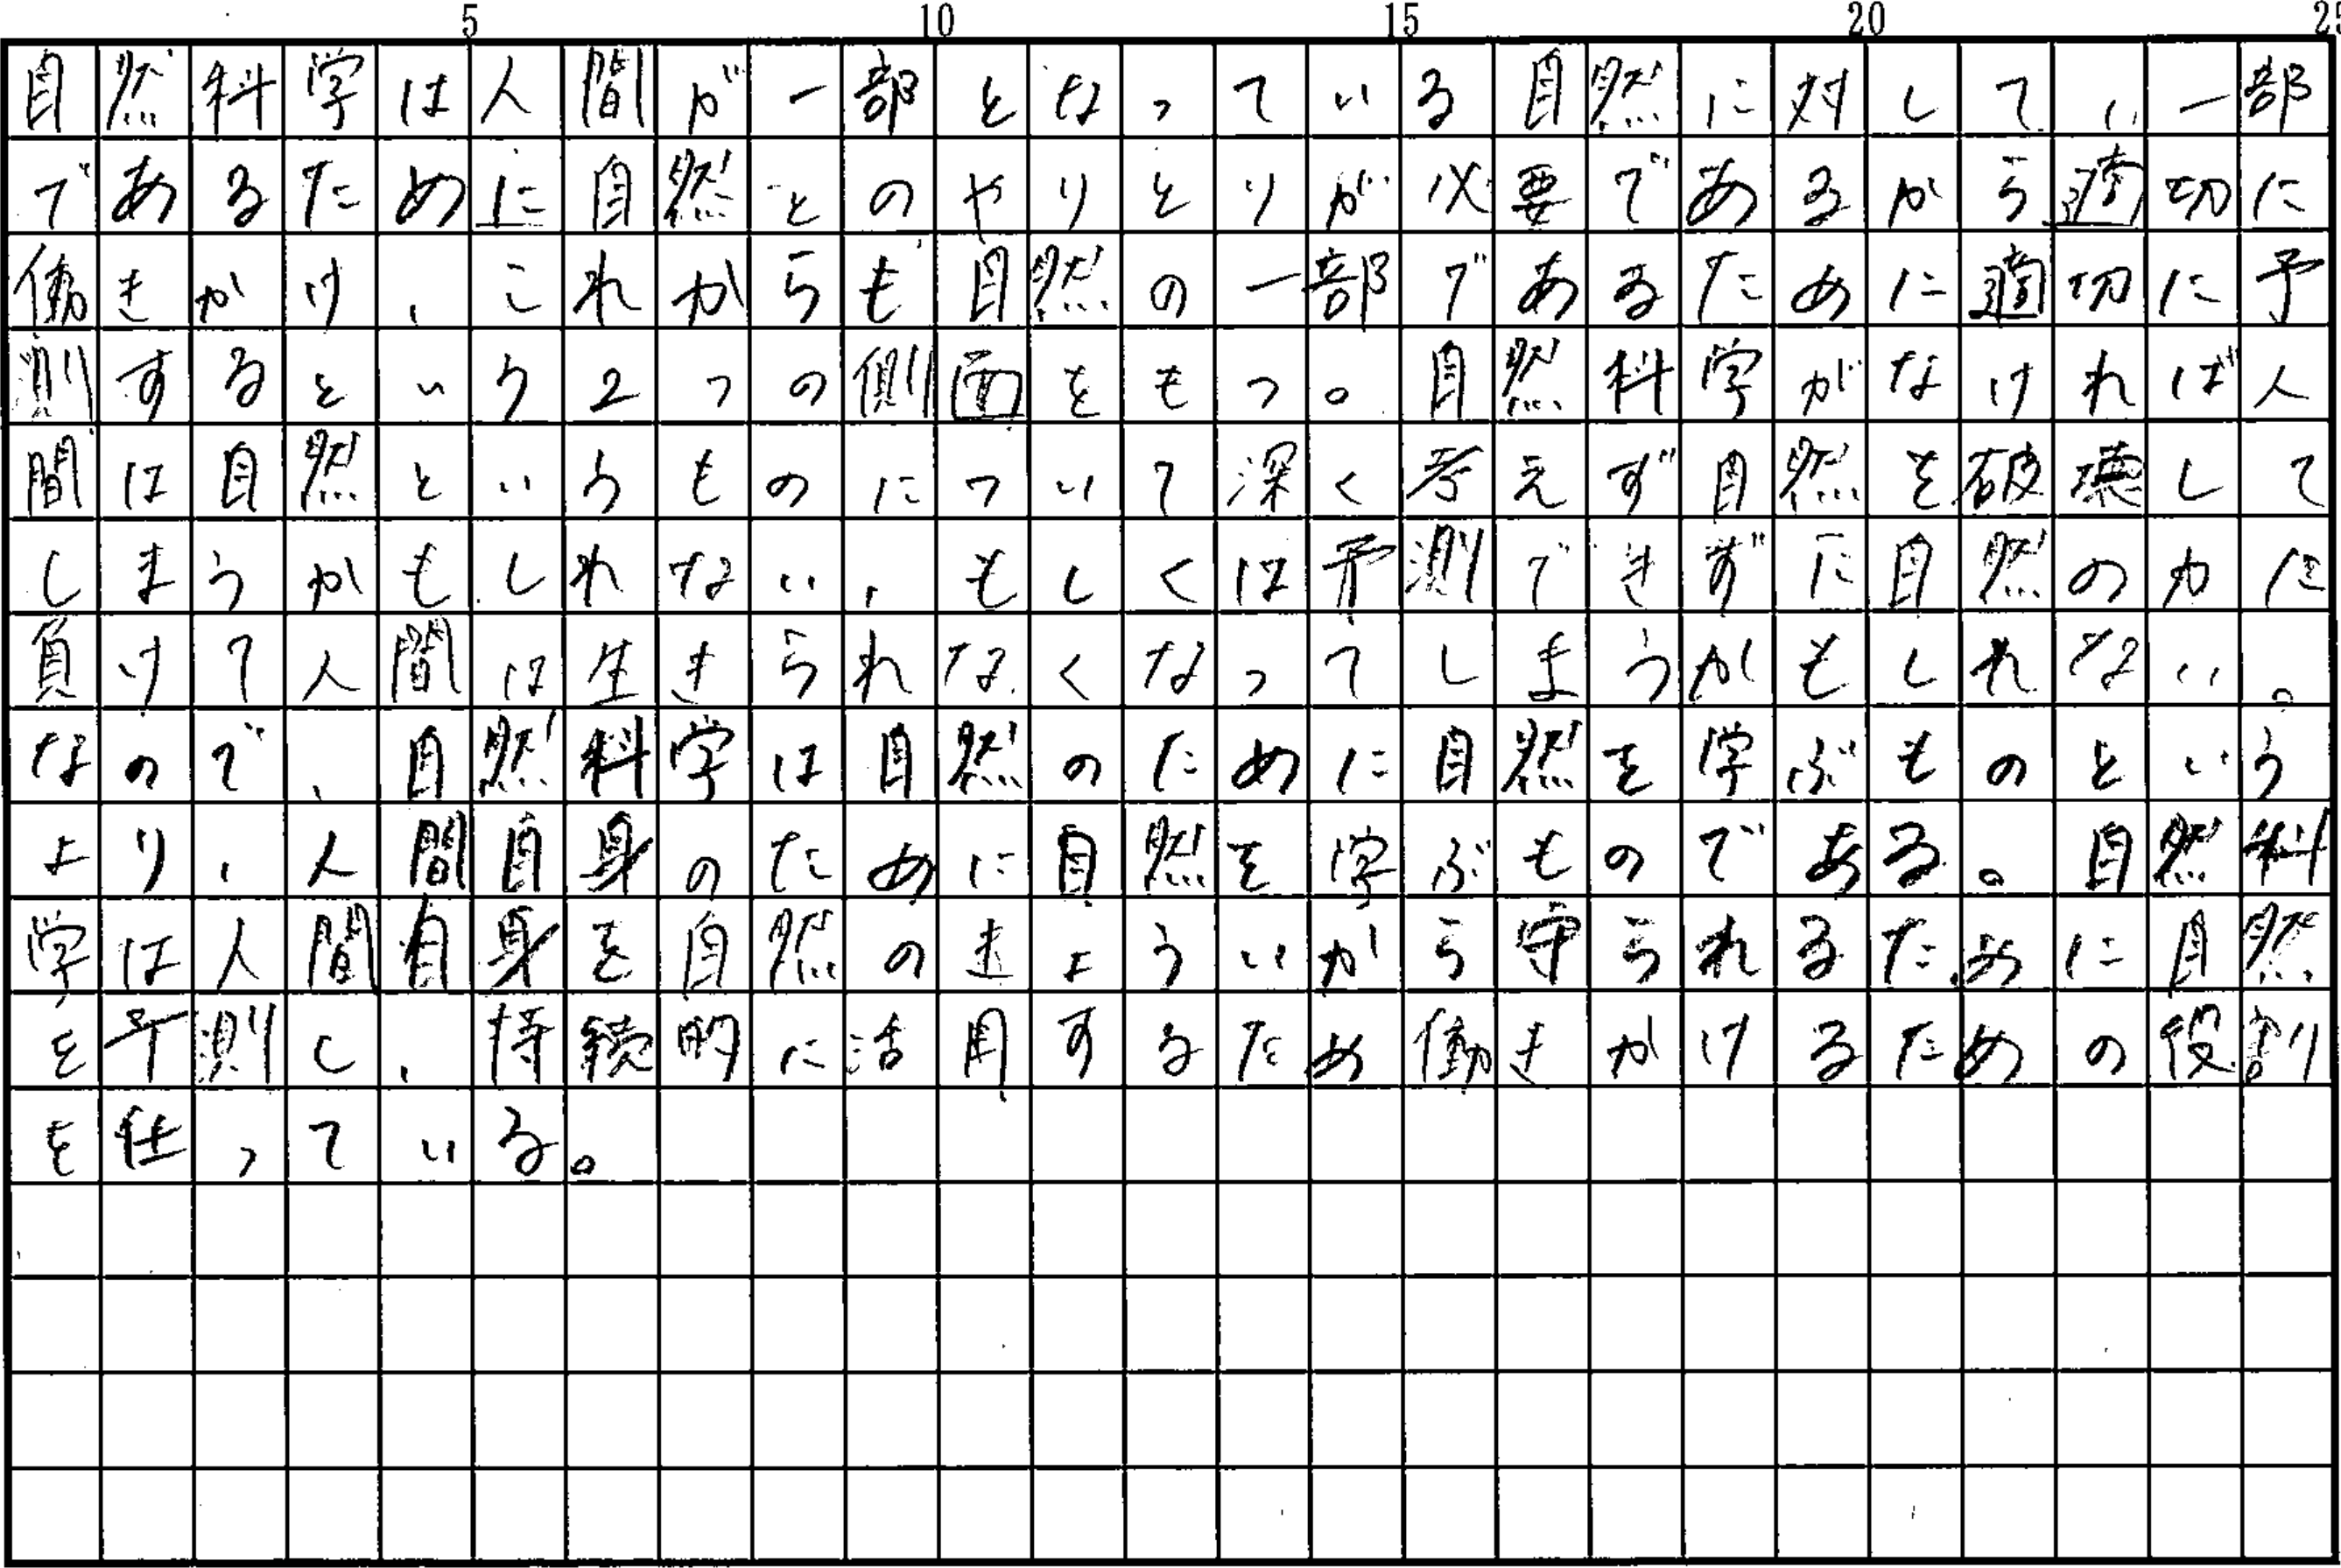自然科学は人間が一部となっている自然に対して、一部であるために自然とのやりとりが必要であるから適切に働きかけ、これからも自然の一部であるために適切に予測するという２つの側面をもつ。自然科学がなければ人間は自然というものについて深く考えず自然を破壊してしまうかもしれない、もしくは予測できずに自然の力に負けて人間は生きられなくなってしまうかもしれない。なので、自然科学は自然のために自然を学ぶものというより、人間自身のために自然を学ぶものである。自然科学は人間自身を自然のきょういから守られるために自然を予測し、持続的に活用するため働きかけるための役割を任っている。
